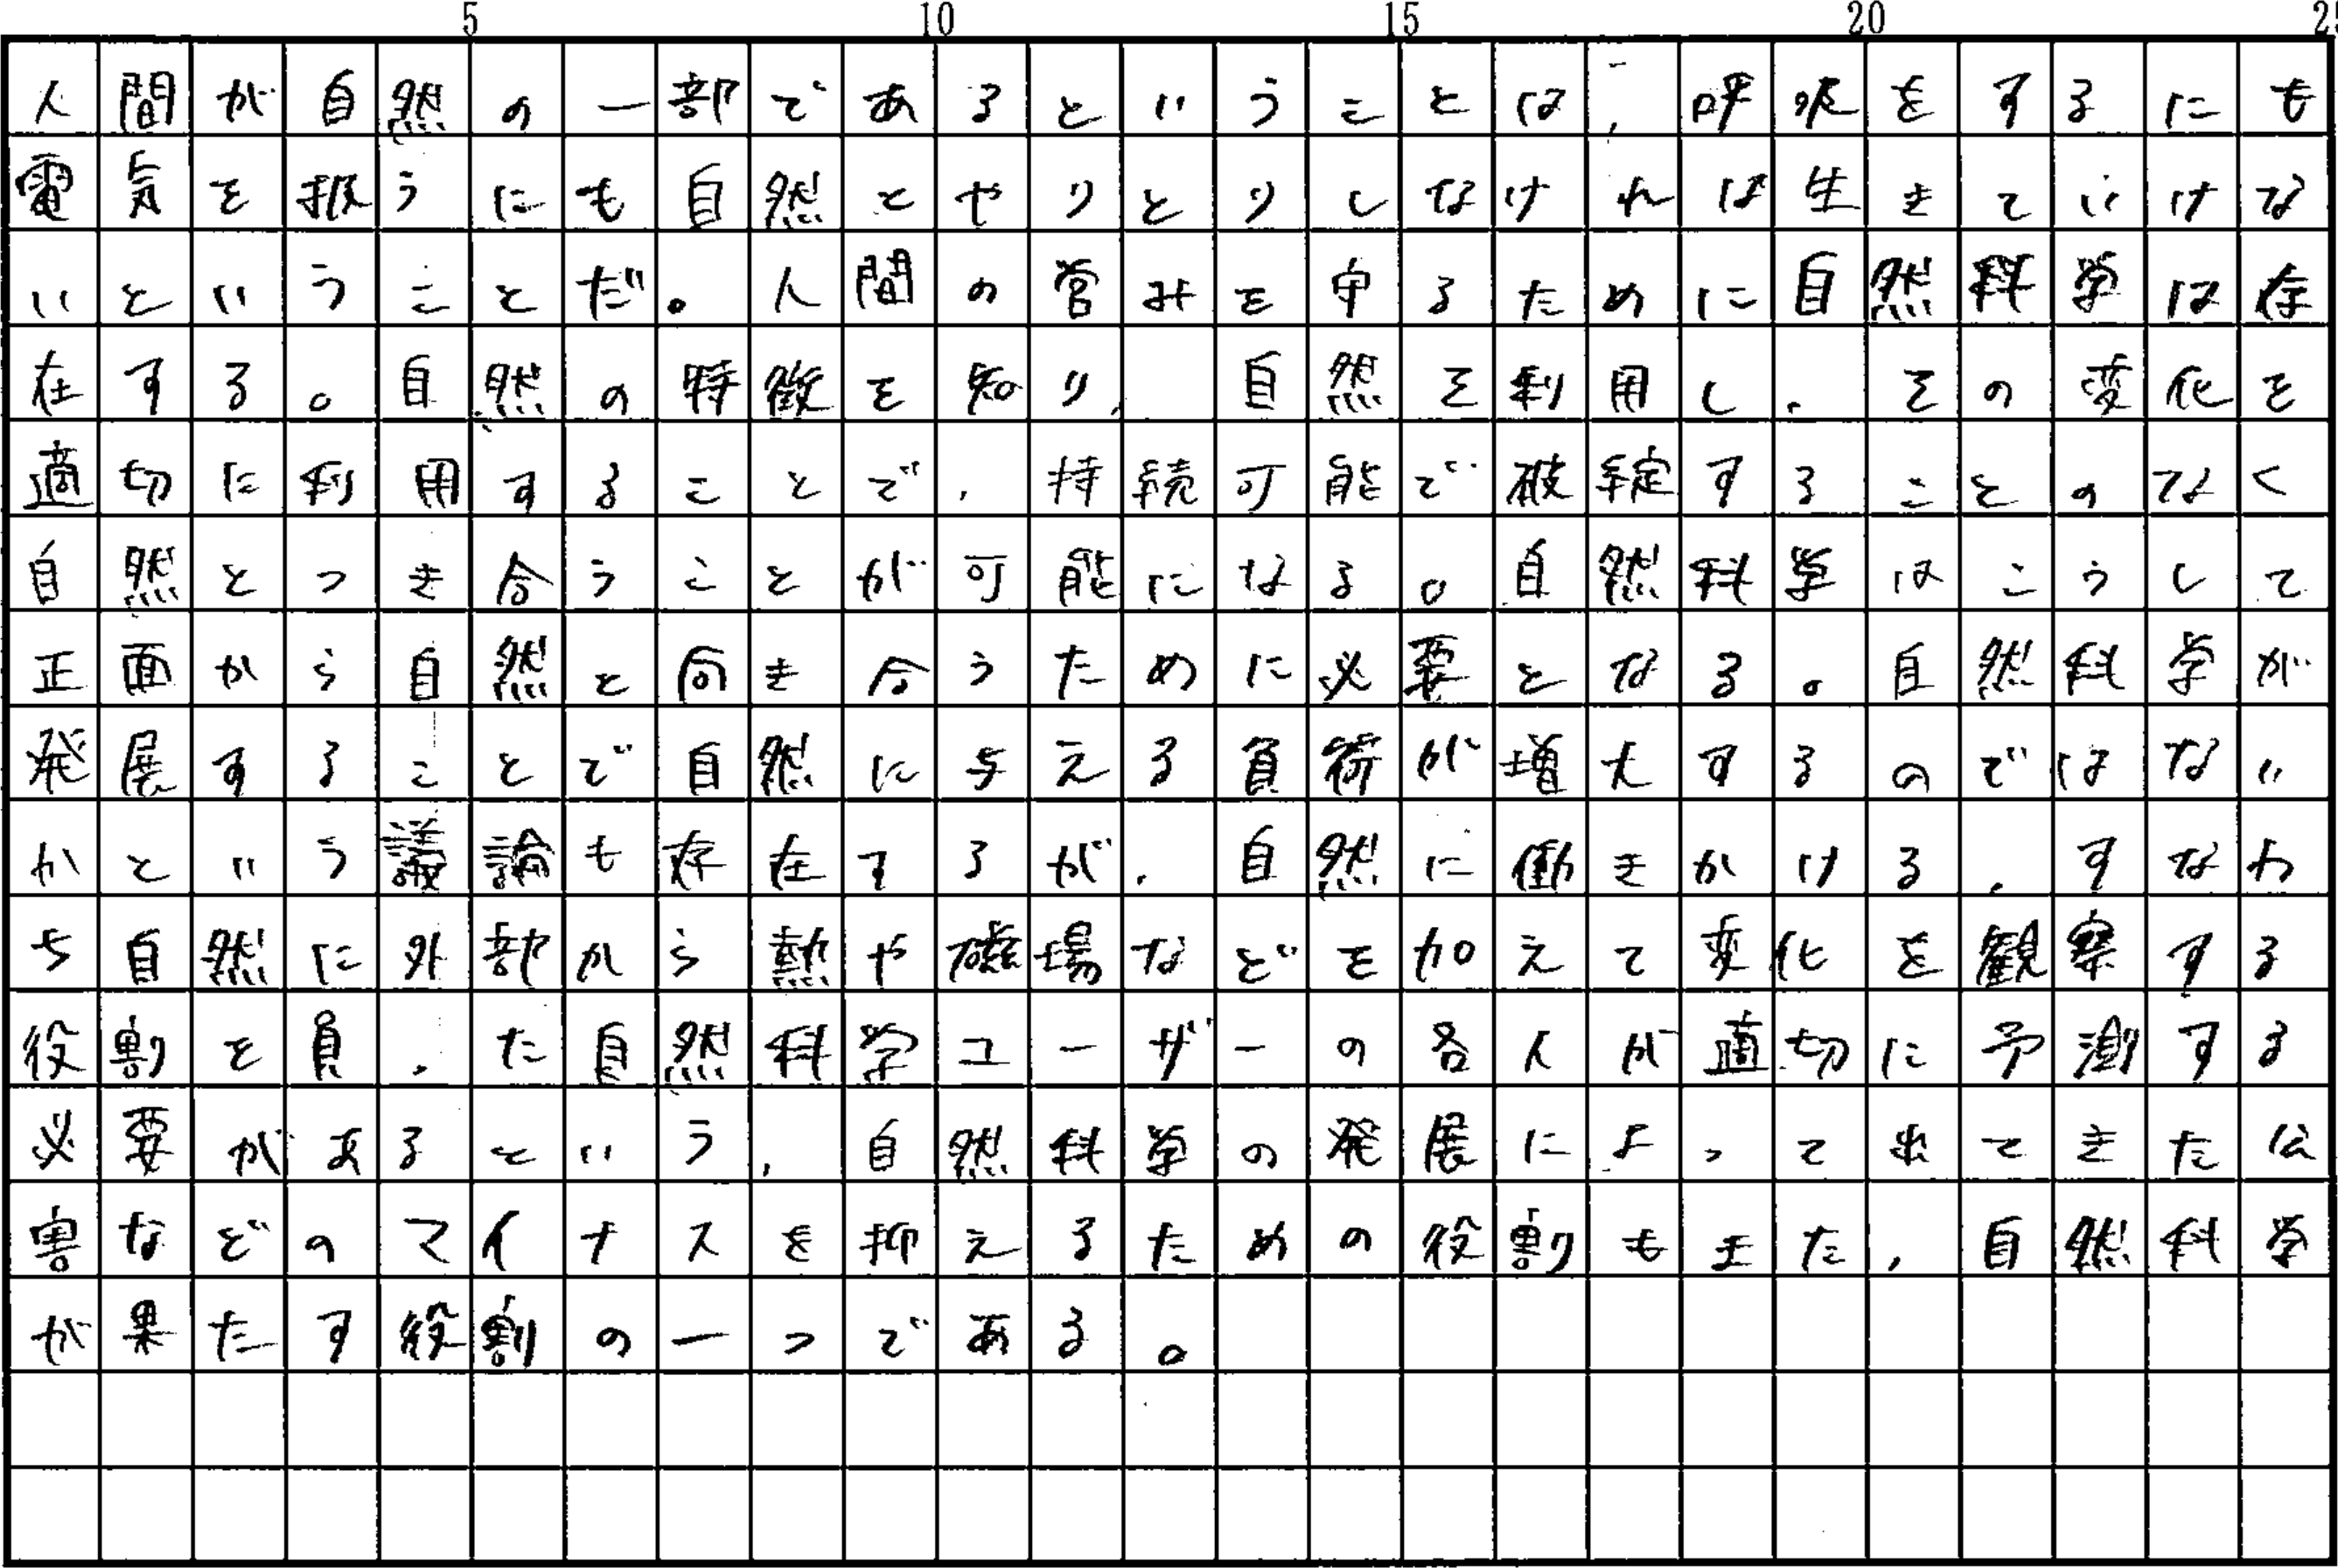人間が自然の一部であるということは、呼吸をするにも電気を扱うにも自然とやりとりしなければ生きていけないということだ。人間の営みを守るために自然科学は存在する。自然の特徴を知り、自然を利用し、その変化を適切に利用することで、持続可能で破綻することのなく自然とつき合うことが可能になる。自然科学はこうして正面から自然と向き合うために必要となる。自然科学が発展することで自然に与える負荷が増大するのではないかという議論も存在するが、自然に働きかける、すなわち自然に外部から熱や磁場などを加えて変化を観察する役割を負った自然科学ユーザーの各人が適切に予測する必要があるという、自然科学の発展によって出てきた公害などのマイナスを抑えるための役割もまた、自然科学が果たす役割の一つである。
